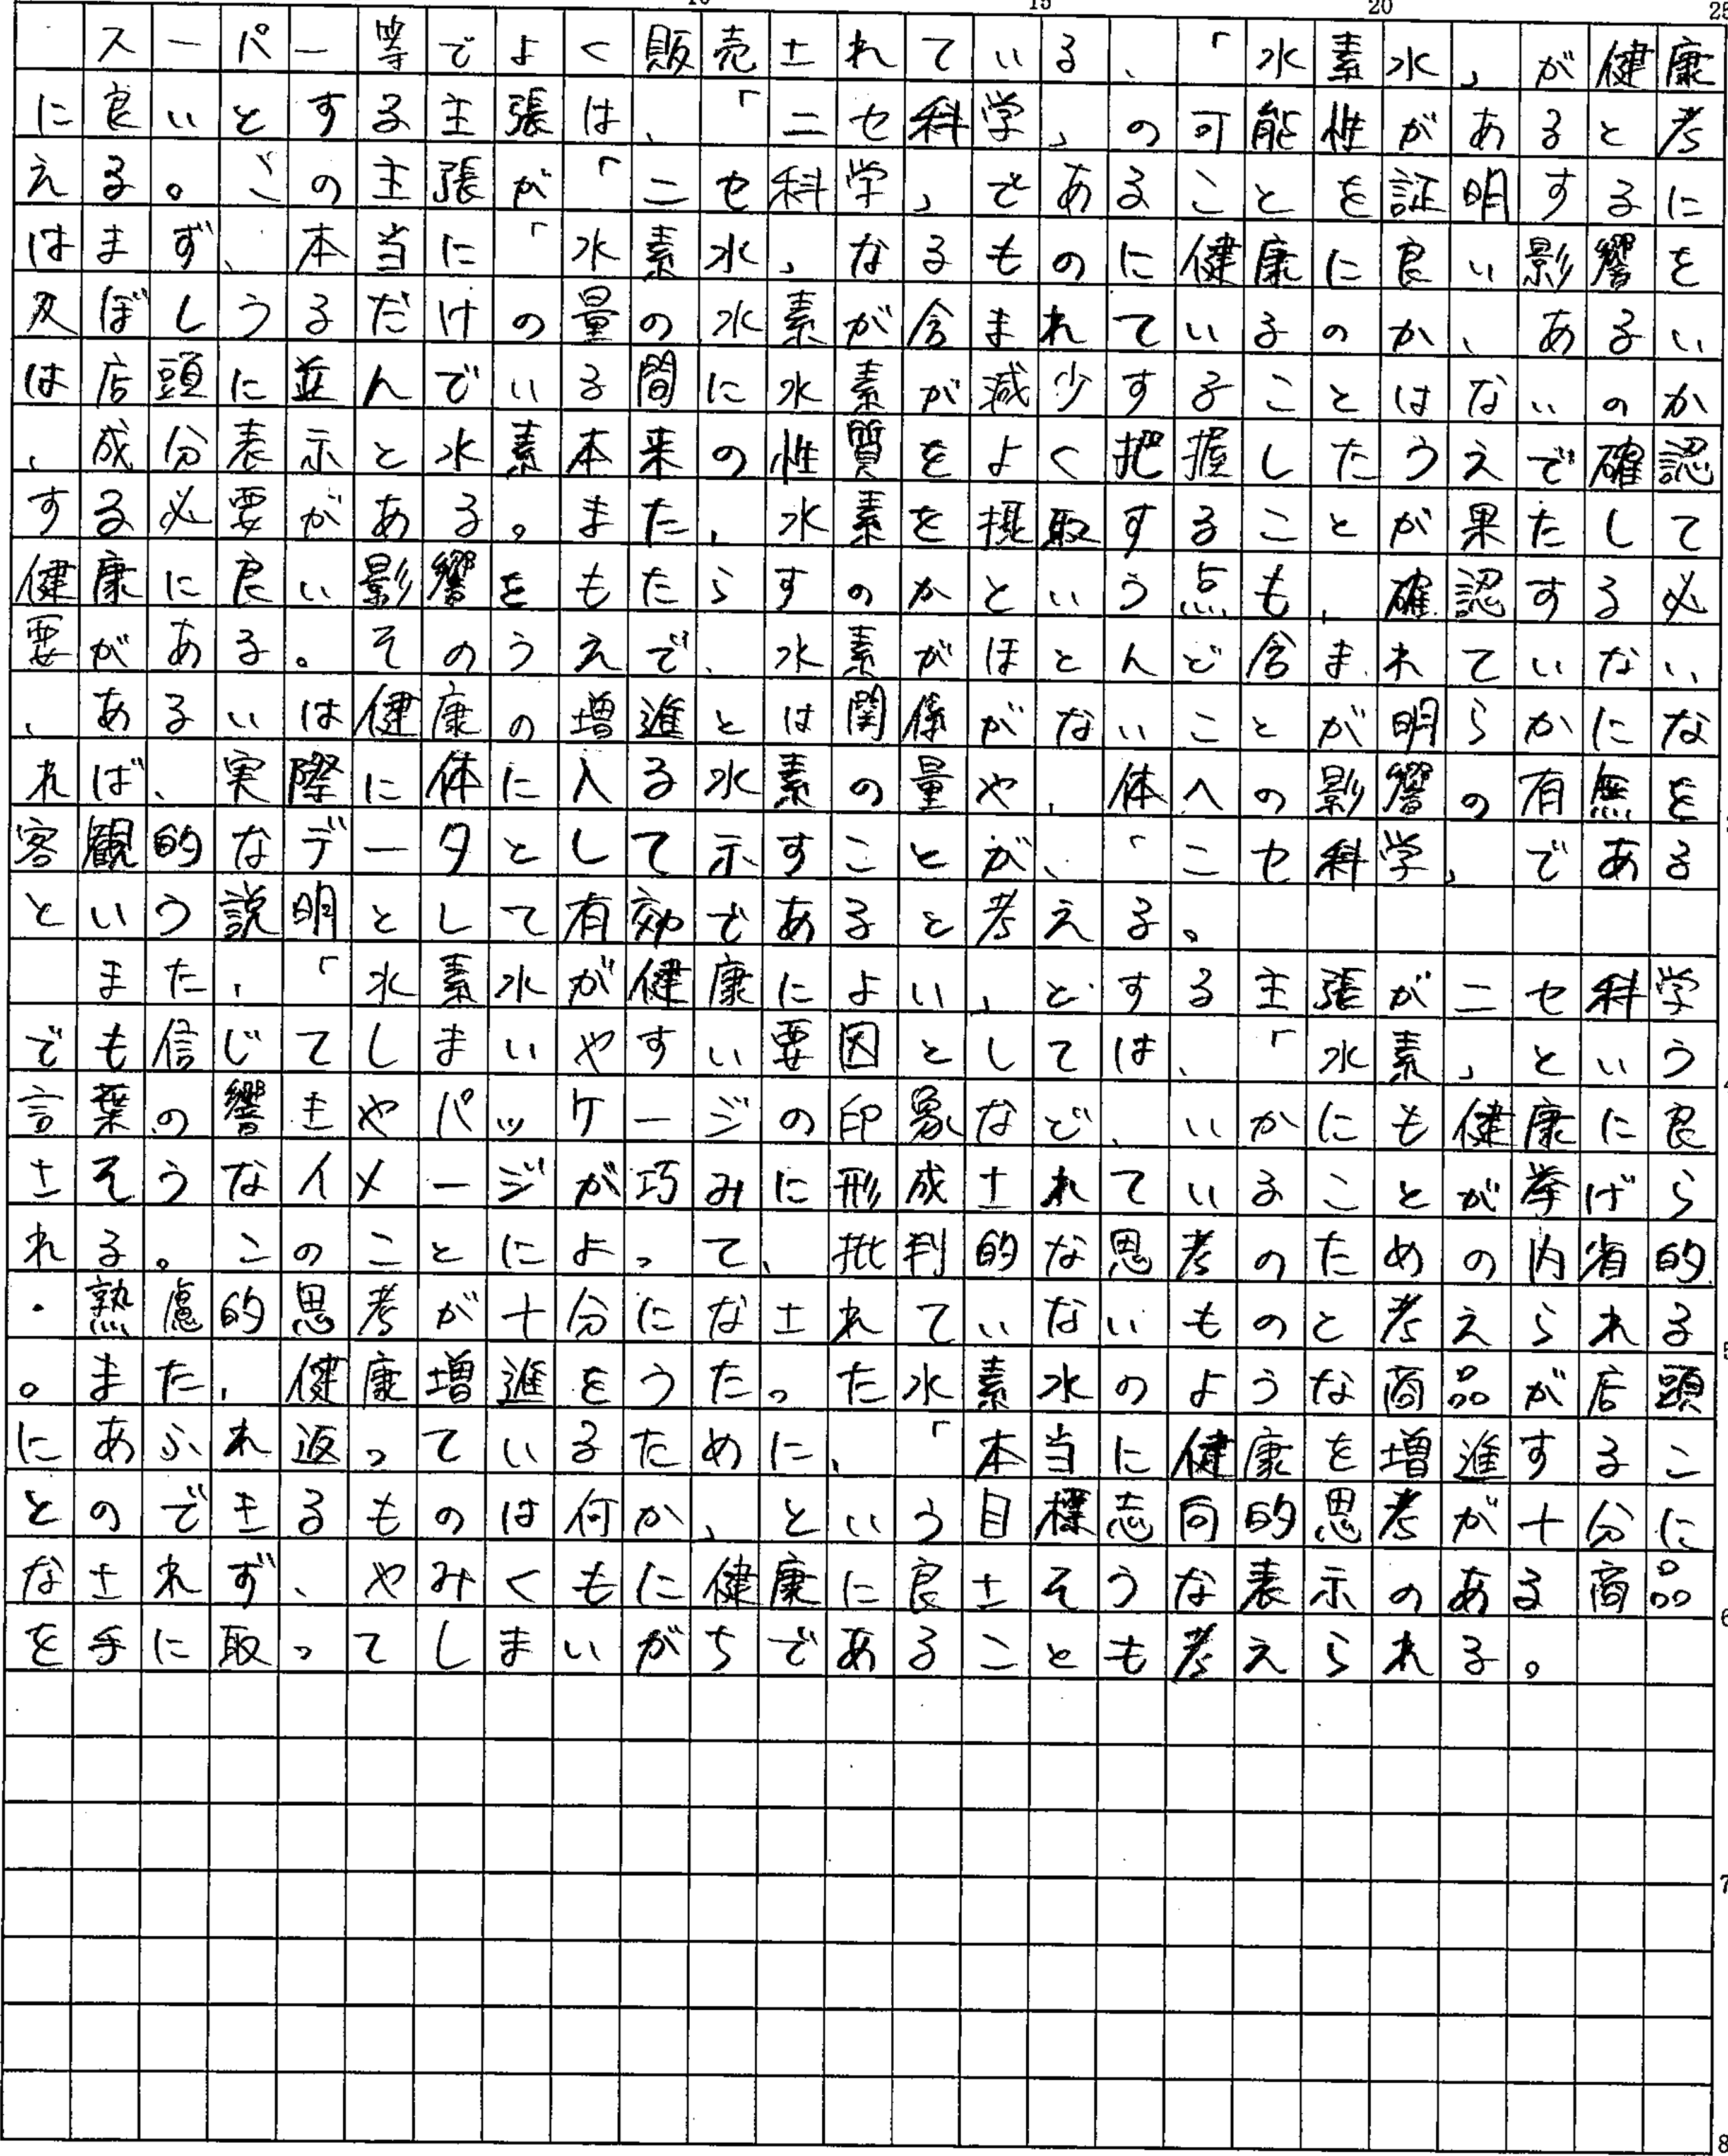　スーパー等でよく販売されている、「水素水」が健康に良いとする主張は、「ニセ科学」の可能性があると考える。この主張が「ニセ科学」であることを証明するにはまず、本当に「水素水」なるものに健康に良い影響を及ぼしうるだけの量の水素が含まれているのか、あるいは店頭に並んでいる間に水素が減少することはないのか、成分表示と水素本来の性質をよく把握したうえで確認する必要がある。また、水素を摂取することが果たして健康に良い影響をもたらすのかという点も、確認する必要がある。そのうえで、水素がほとんど含まれていない、あるいは健康の増進とは関係がないことが明らかになれば、実際に体に入る水素の量や、体への影響の有無を客観的なデータとして示すことが、「ニセ科学」であるという説明として有効であると考える。
　また、「水素水が健康によい」とする主張がニセ科学でも信じてしまいやすい要因としては、「水素」という言葉の響きやパッケージの印象など、いかにも健康に良さそうなイメージが巧みに形成されていることが挙げられる。このことによって、批判的な思考のための内省的・熟慮的思考が十分になされていないものと考えられる。また、健康増進をうたった水素水のような商品が店頭にあふれ返っているために、「本当に健康を増進することのできるものは何か」という目標志向的思考が十分になされず、やみくもに健康に良さそうな表示のある商品を手に取ってしまいがちであることも考えられる。
